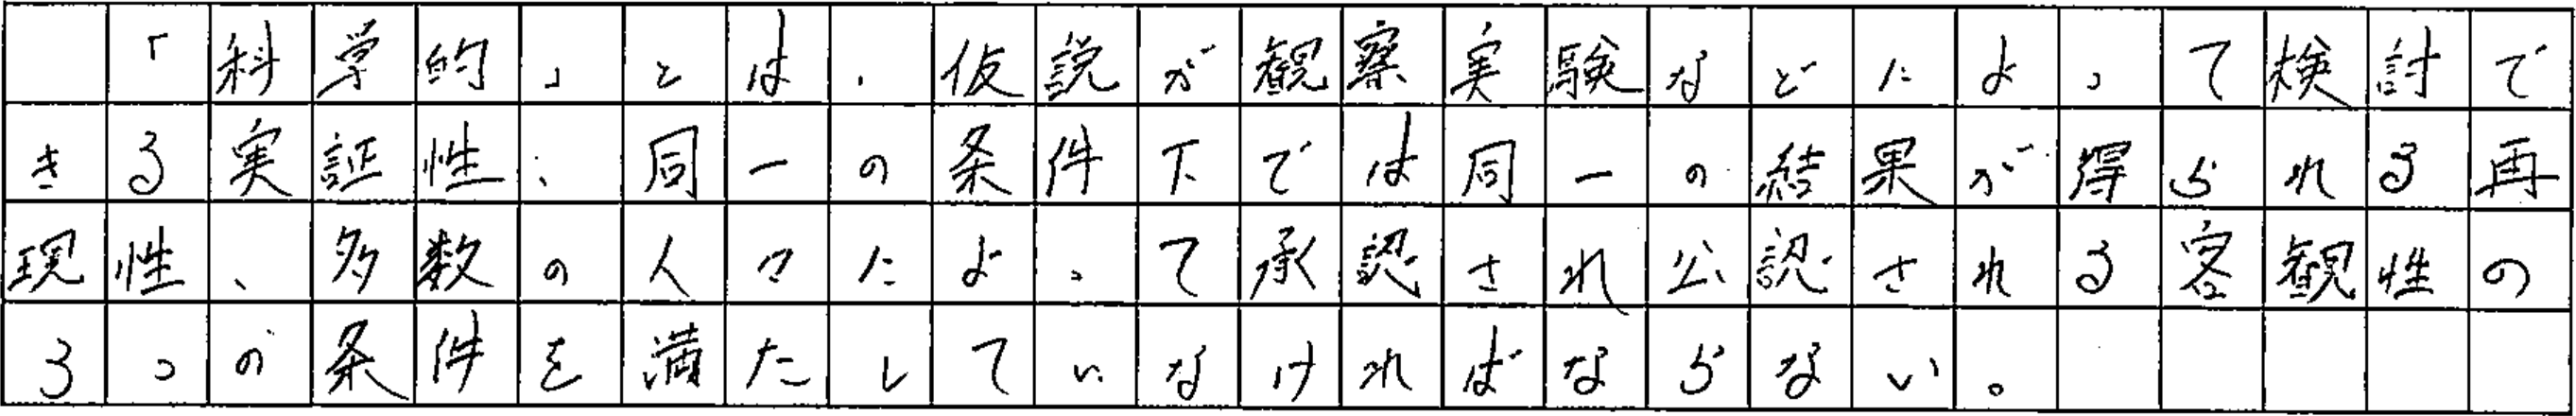　「科学的」とは、仮説が観察実験などによって検討できる実証性、同一の条件下では同一の結果が得られる再現性、多数の人々によって承認され公認される客観性の３つの条件を満たしていなければならない。
